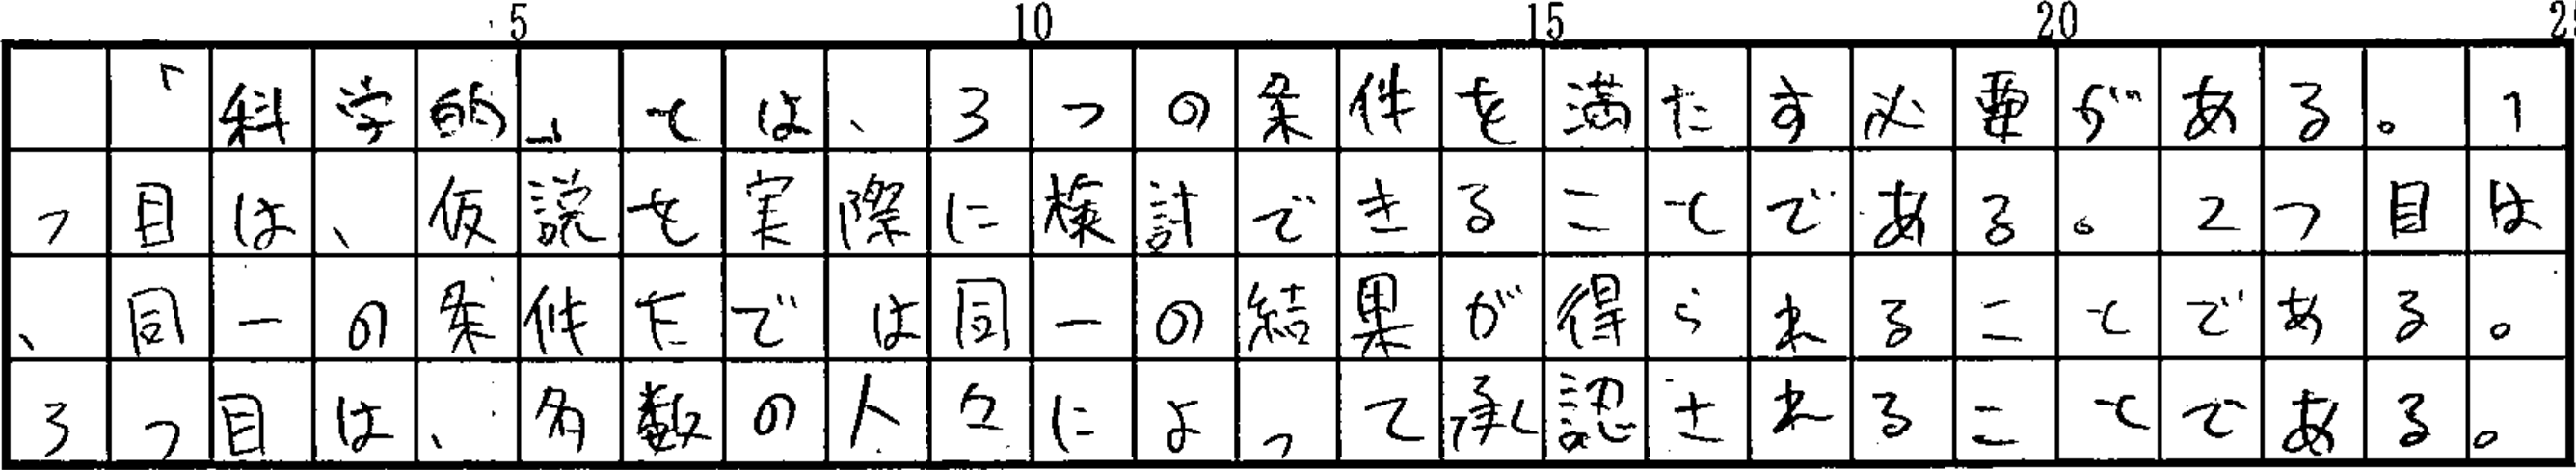　「科学的」とは、３つの条件を満たす必要がある。１つ目は、仮説を実際に検討できることである。２つ目は、同一の条件下では同一の結果が得られることである。３つ目は、多数の人々によって承認されることである。
